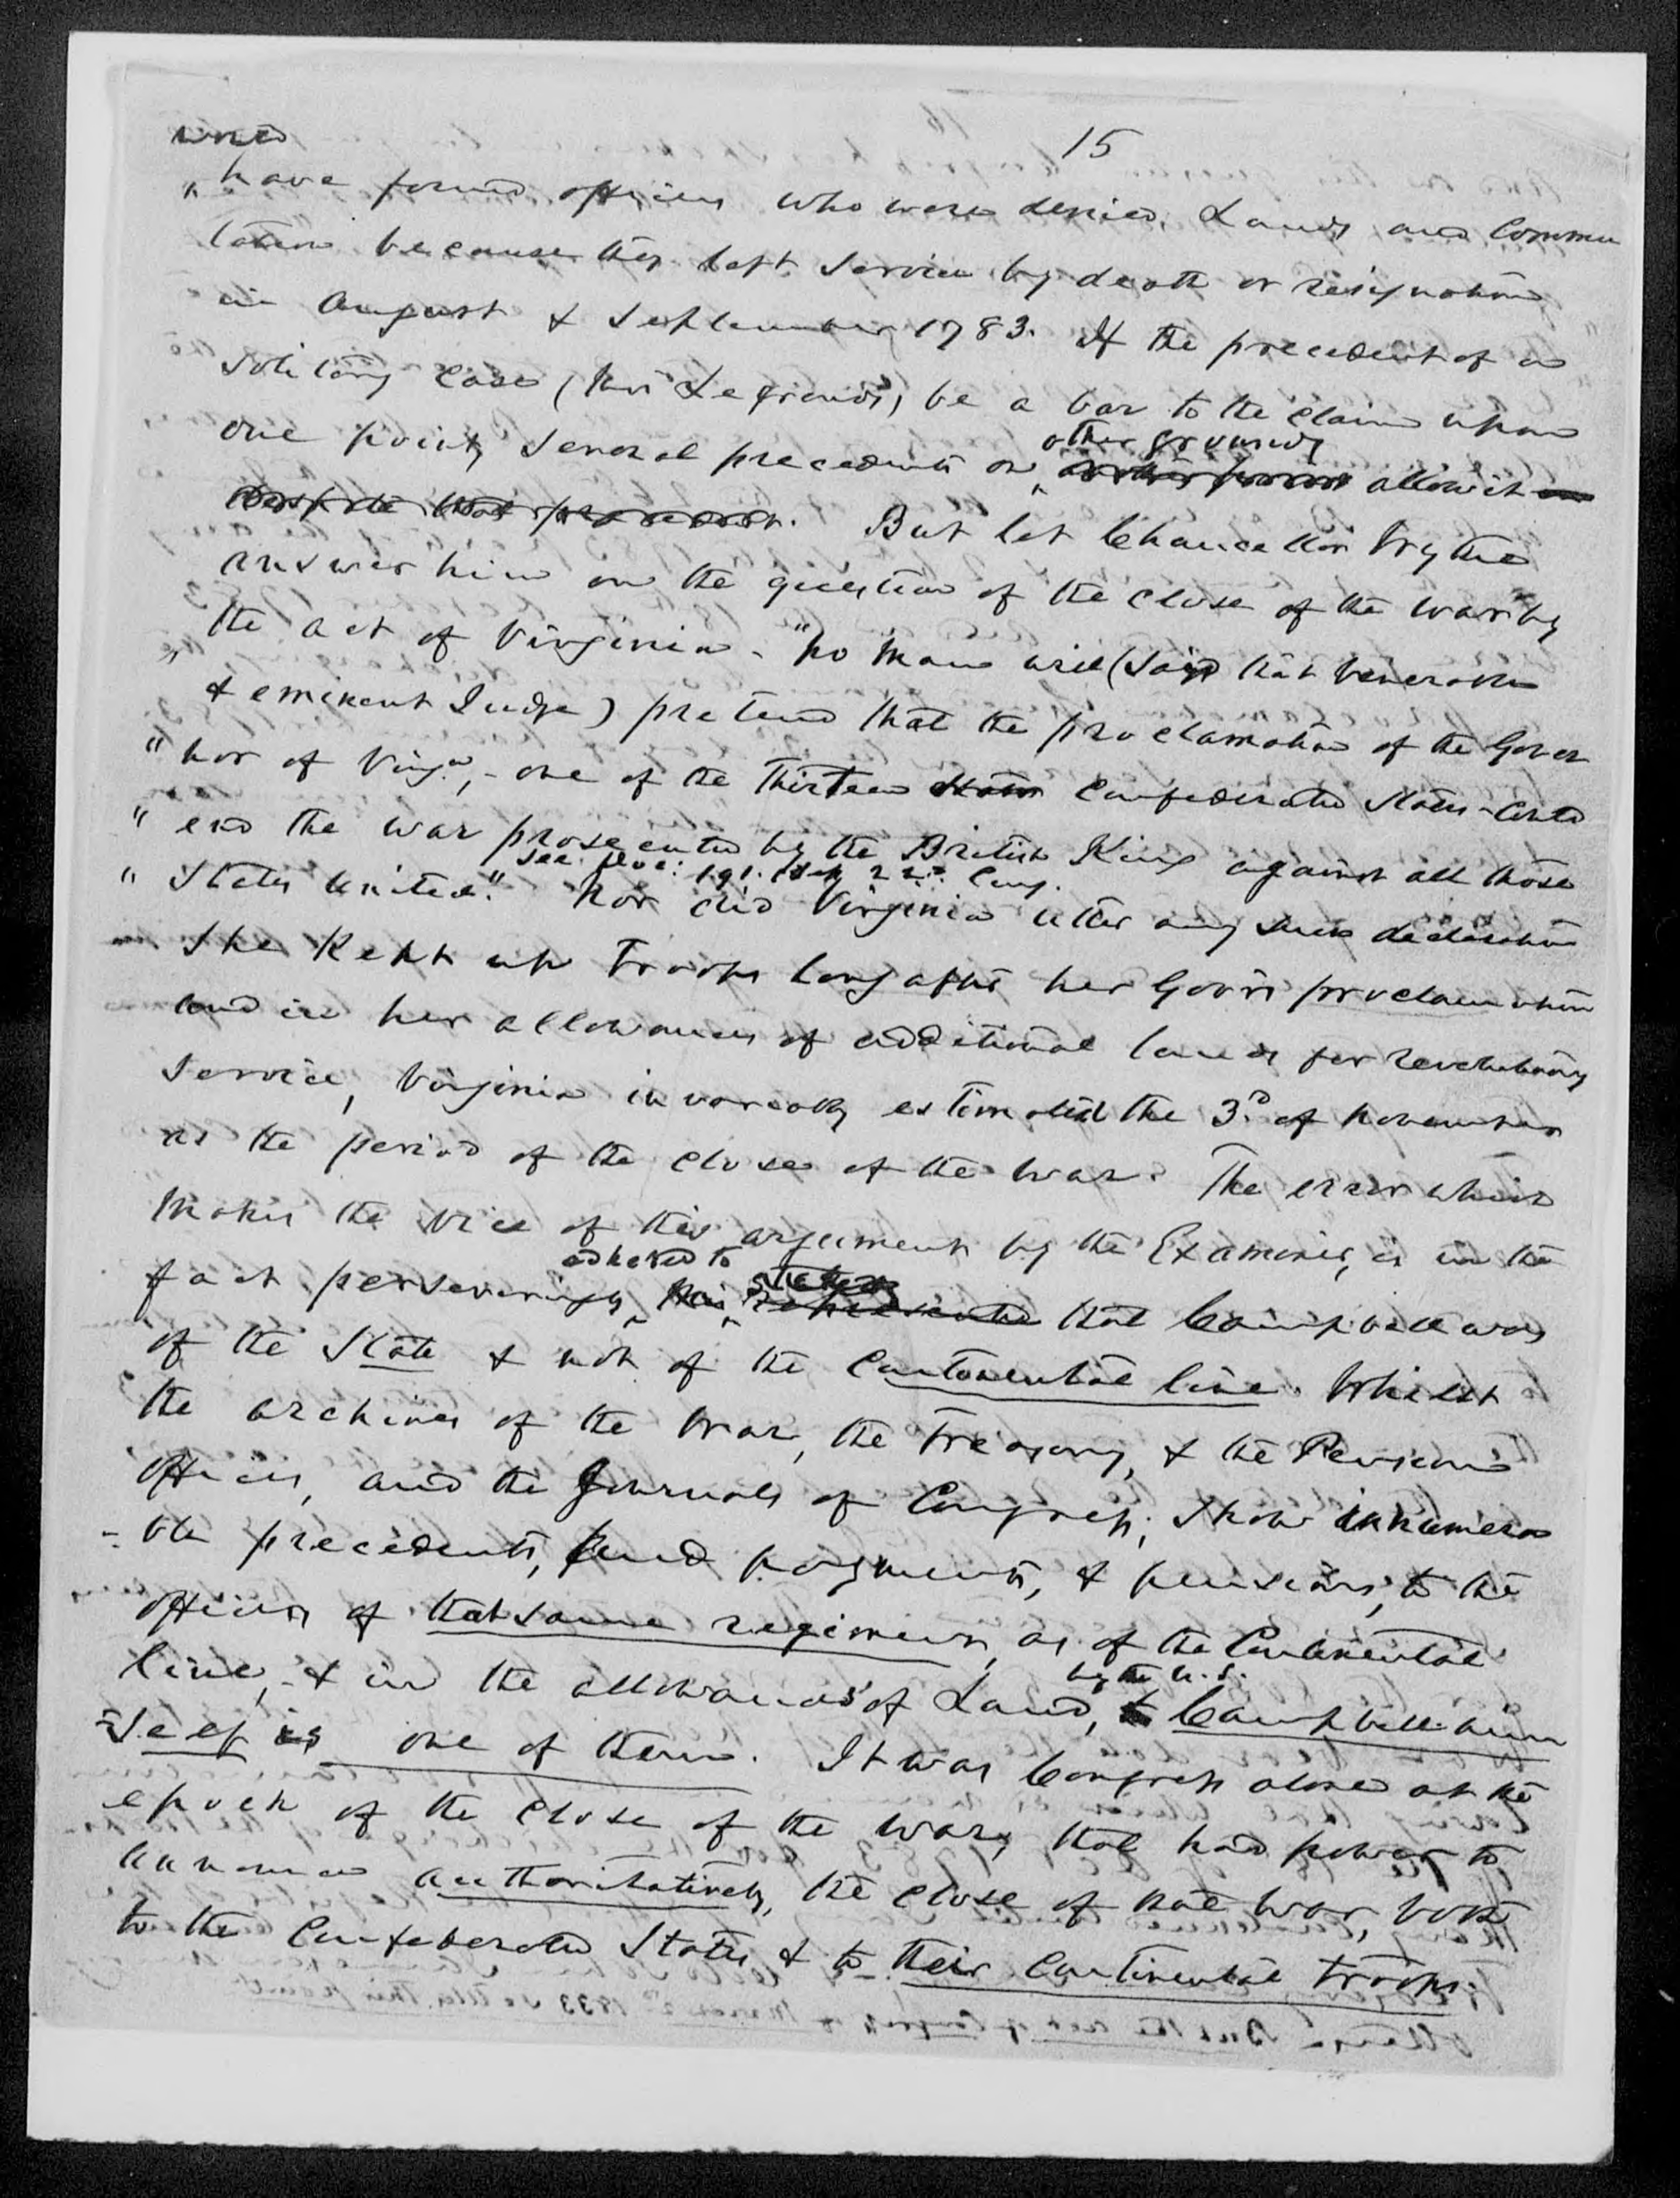15
would have found officers who were denied lands and commutation because they lost service by death or resignation in August & September 1783. If the precedent of a solitary case (Ian Legrands) be a bar to the claim upon one point, several precedents on other grounds allow it. But let Chancellor Wythe answer him on the question of the close of the war by the act of Virginia. "no man will (says that venerable  & eminent Judge) pretend that the proclamation of the Governor of Virg'a, one of the Thirteen [marked out : states] confederate states could end the war prosecuted by the British King against all those states united."  Seer. Due: 191  Sep 22d Cong.  Nor cud Virginia utter any such declaration She kept up Troops long after her Govr's proclamation and in her allowances of additional lands for revolutionary service, Virginia invariably estimated the 3d of November as the period of the close of the war. The error which makes the [?] of the argument by the Examiner, is in the fact perseveringly adhered to that Campbell was of the State & not of the Continental line. Whilst the archives of the War, the Treasury, & the Pension's officers, and the Journals of Congress show innumerable precedents, and payments, & pensions to the officers of that same regiment, as of the Continental line & in the allowances of Land by the U. S; Campbells own Sec'y is one of them.  It was Congress alone at the epoch of the close of the war that had power to [?] authoritatively the close of that war, both to the Confederate States & to their Continental troops.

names: Campbell, Campbell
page: 237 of 267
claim: widow's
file: W. 4,149, William Campbell, Va.